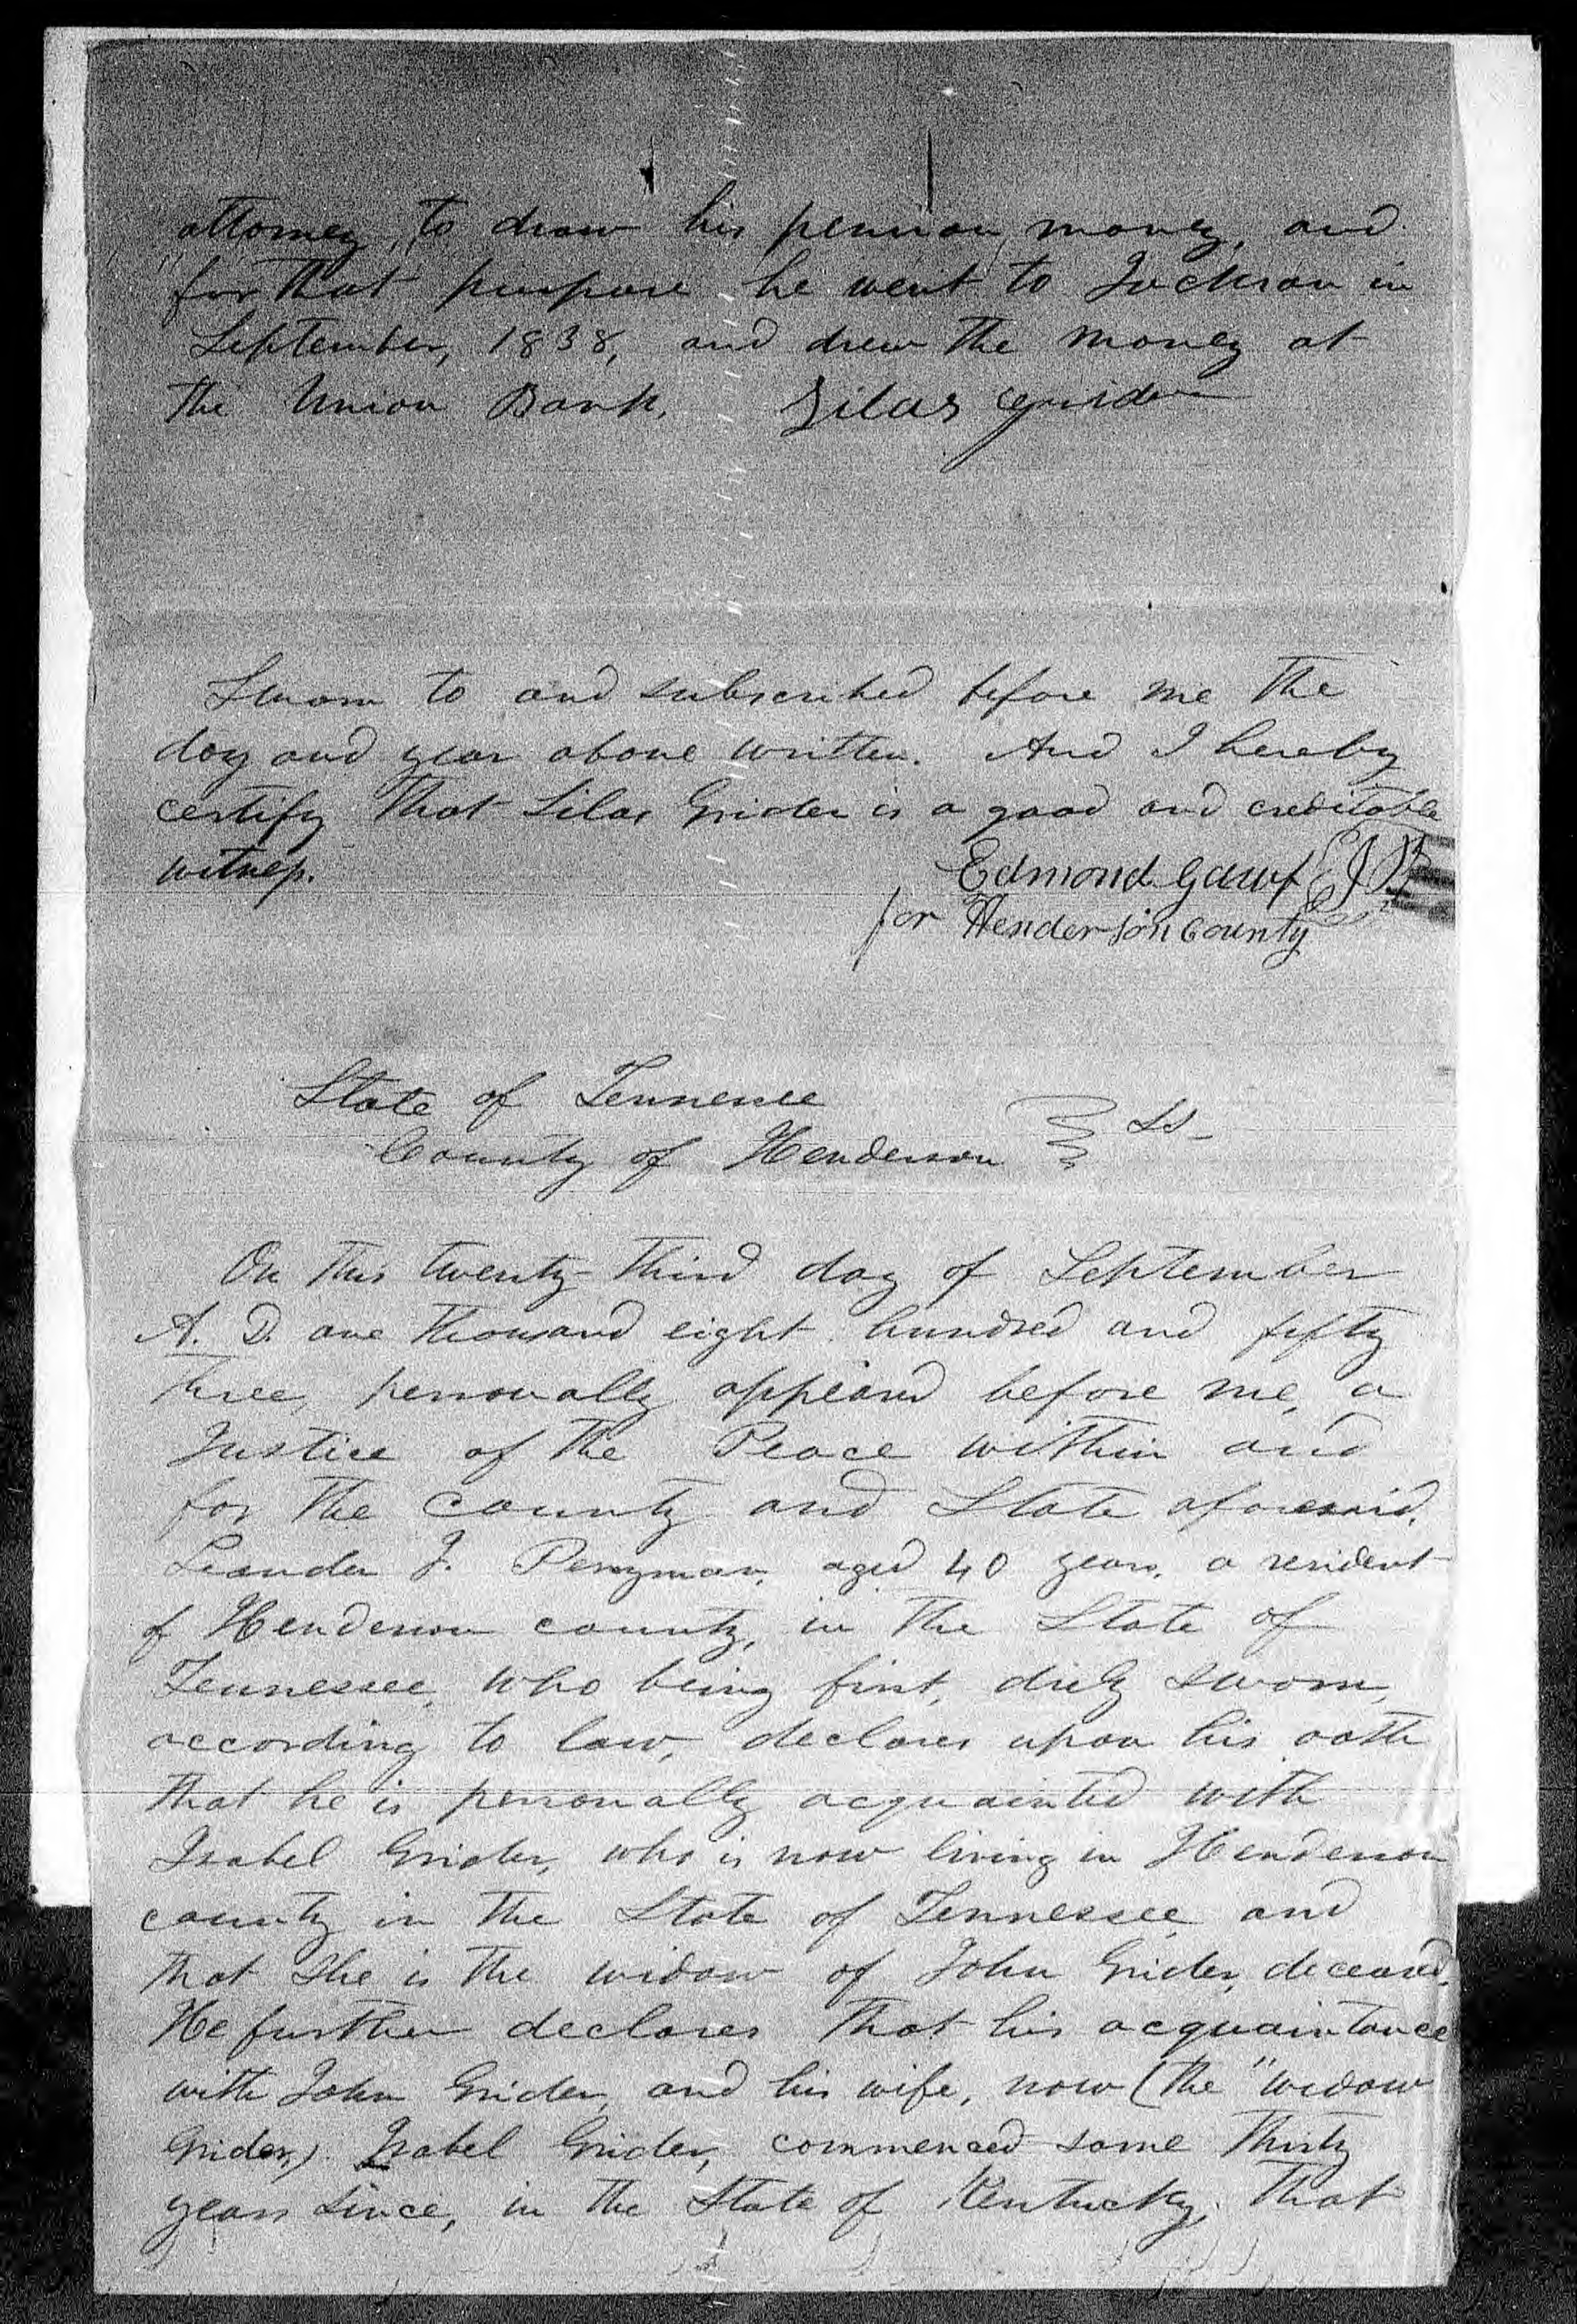attorney to draw his pension money, and for that purpose he went to Jackson in September, 1838, and drew the money at the Union Bank.    [signed] Silas Grider

Sworn to and subscribed before me the day and year above written. And I hereby certify that Silas Grider is a good and creditable witness.  p\[signed] Edmunc Gawf JP for Henderson County

State of Tennessee 
County of Henderson  } ss.

On this twenty third day of September  A. D. one thousand eight hundred and fifty three, personally appeared before me, a Justice of the Peace within and for the county and State aforesaid, Leander J Perryman, aged 40 years, a resident of Henderson County, in the State of Tennessee, who being first duly sworn according to law, declares upon his oath that he is personally acquainted with Isabel Grider, who is now living in Henderson County in the State of Tennessee  and that she is the widow of John Grider, deceased. He further declares that his acquaintance with John Grider, and his wife, now (the "widow Grider") Isabel Grider, commenced some thirty years since, in the State of Kentucky. That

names: Leander J Perryman, Isabel Grider, John Grider, Silas Grider, Edmond Gawf, John Grider, John Grider, Silas Grider, Isabel Grider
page: 14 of 91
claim: widow's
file: W 358, John Grider, N.C.